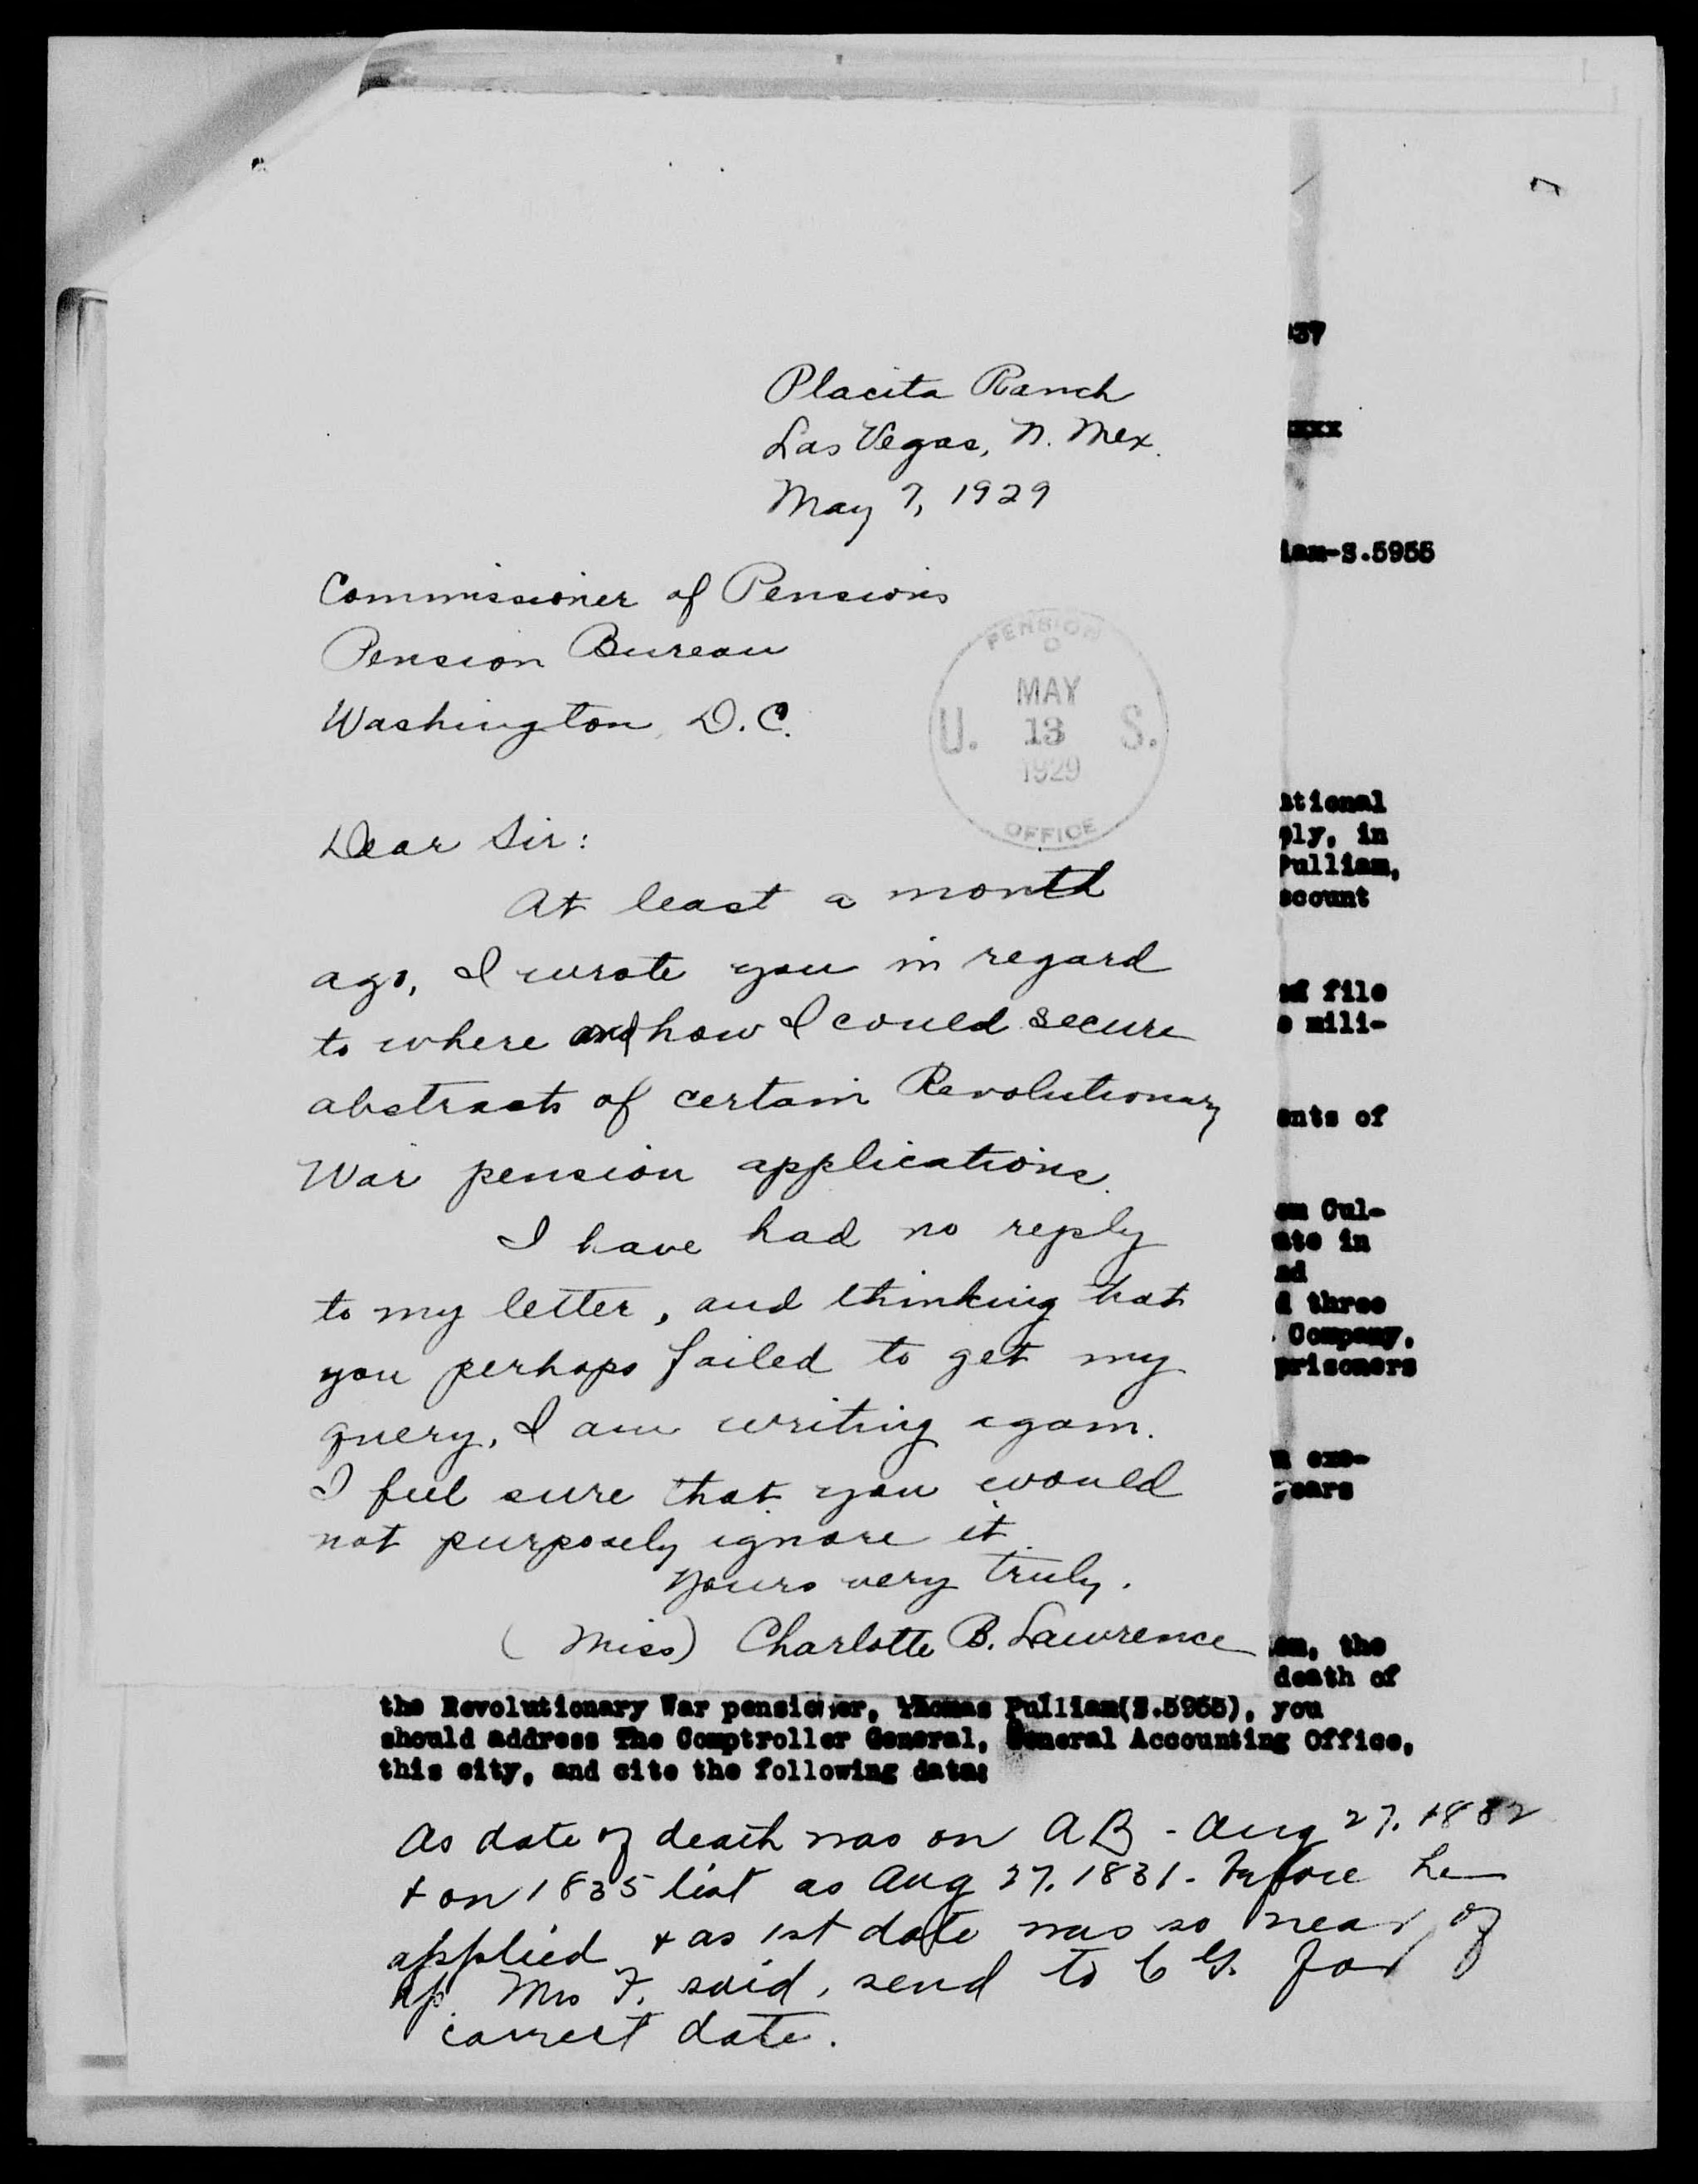[Attached to the reply from the Pension Bureau, the text of the Bureau, largely obscured]

Placita Ranch
Las Vegas, N. Mex
May 7, 1929

Commissioner of Pensions
Pension Bureun
Washington, D.C.

U. S. PENSION OFFICE
MAY 13 1929

Dear Sir:
at least a month
ago, I wrote you in regard
to where and how I could secure
abstracts of certain Revolutionary War
pension application
I have had no reply
to my letter, and thinking that
you perhaps failed to get my
query, I am writing again.
I feel sure that you would
not purposely ignore it.
Yours very truly
(Miss) Charlotte B. Lawrence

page: 21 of 27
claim: survivor's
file: S. 5,955, for Thomas Pulliam, Virginia